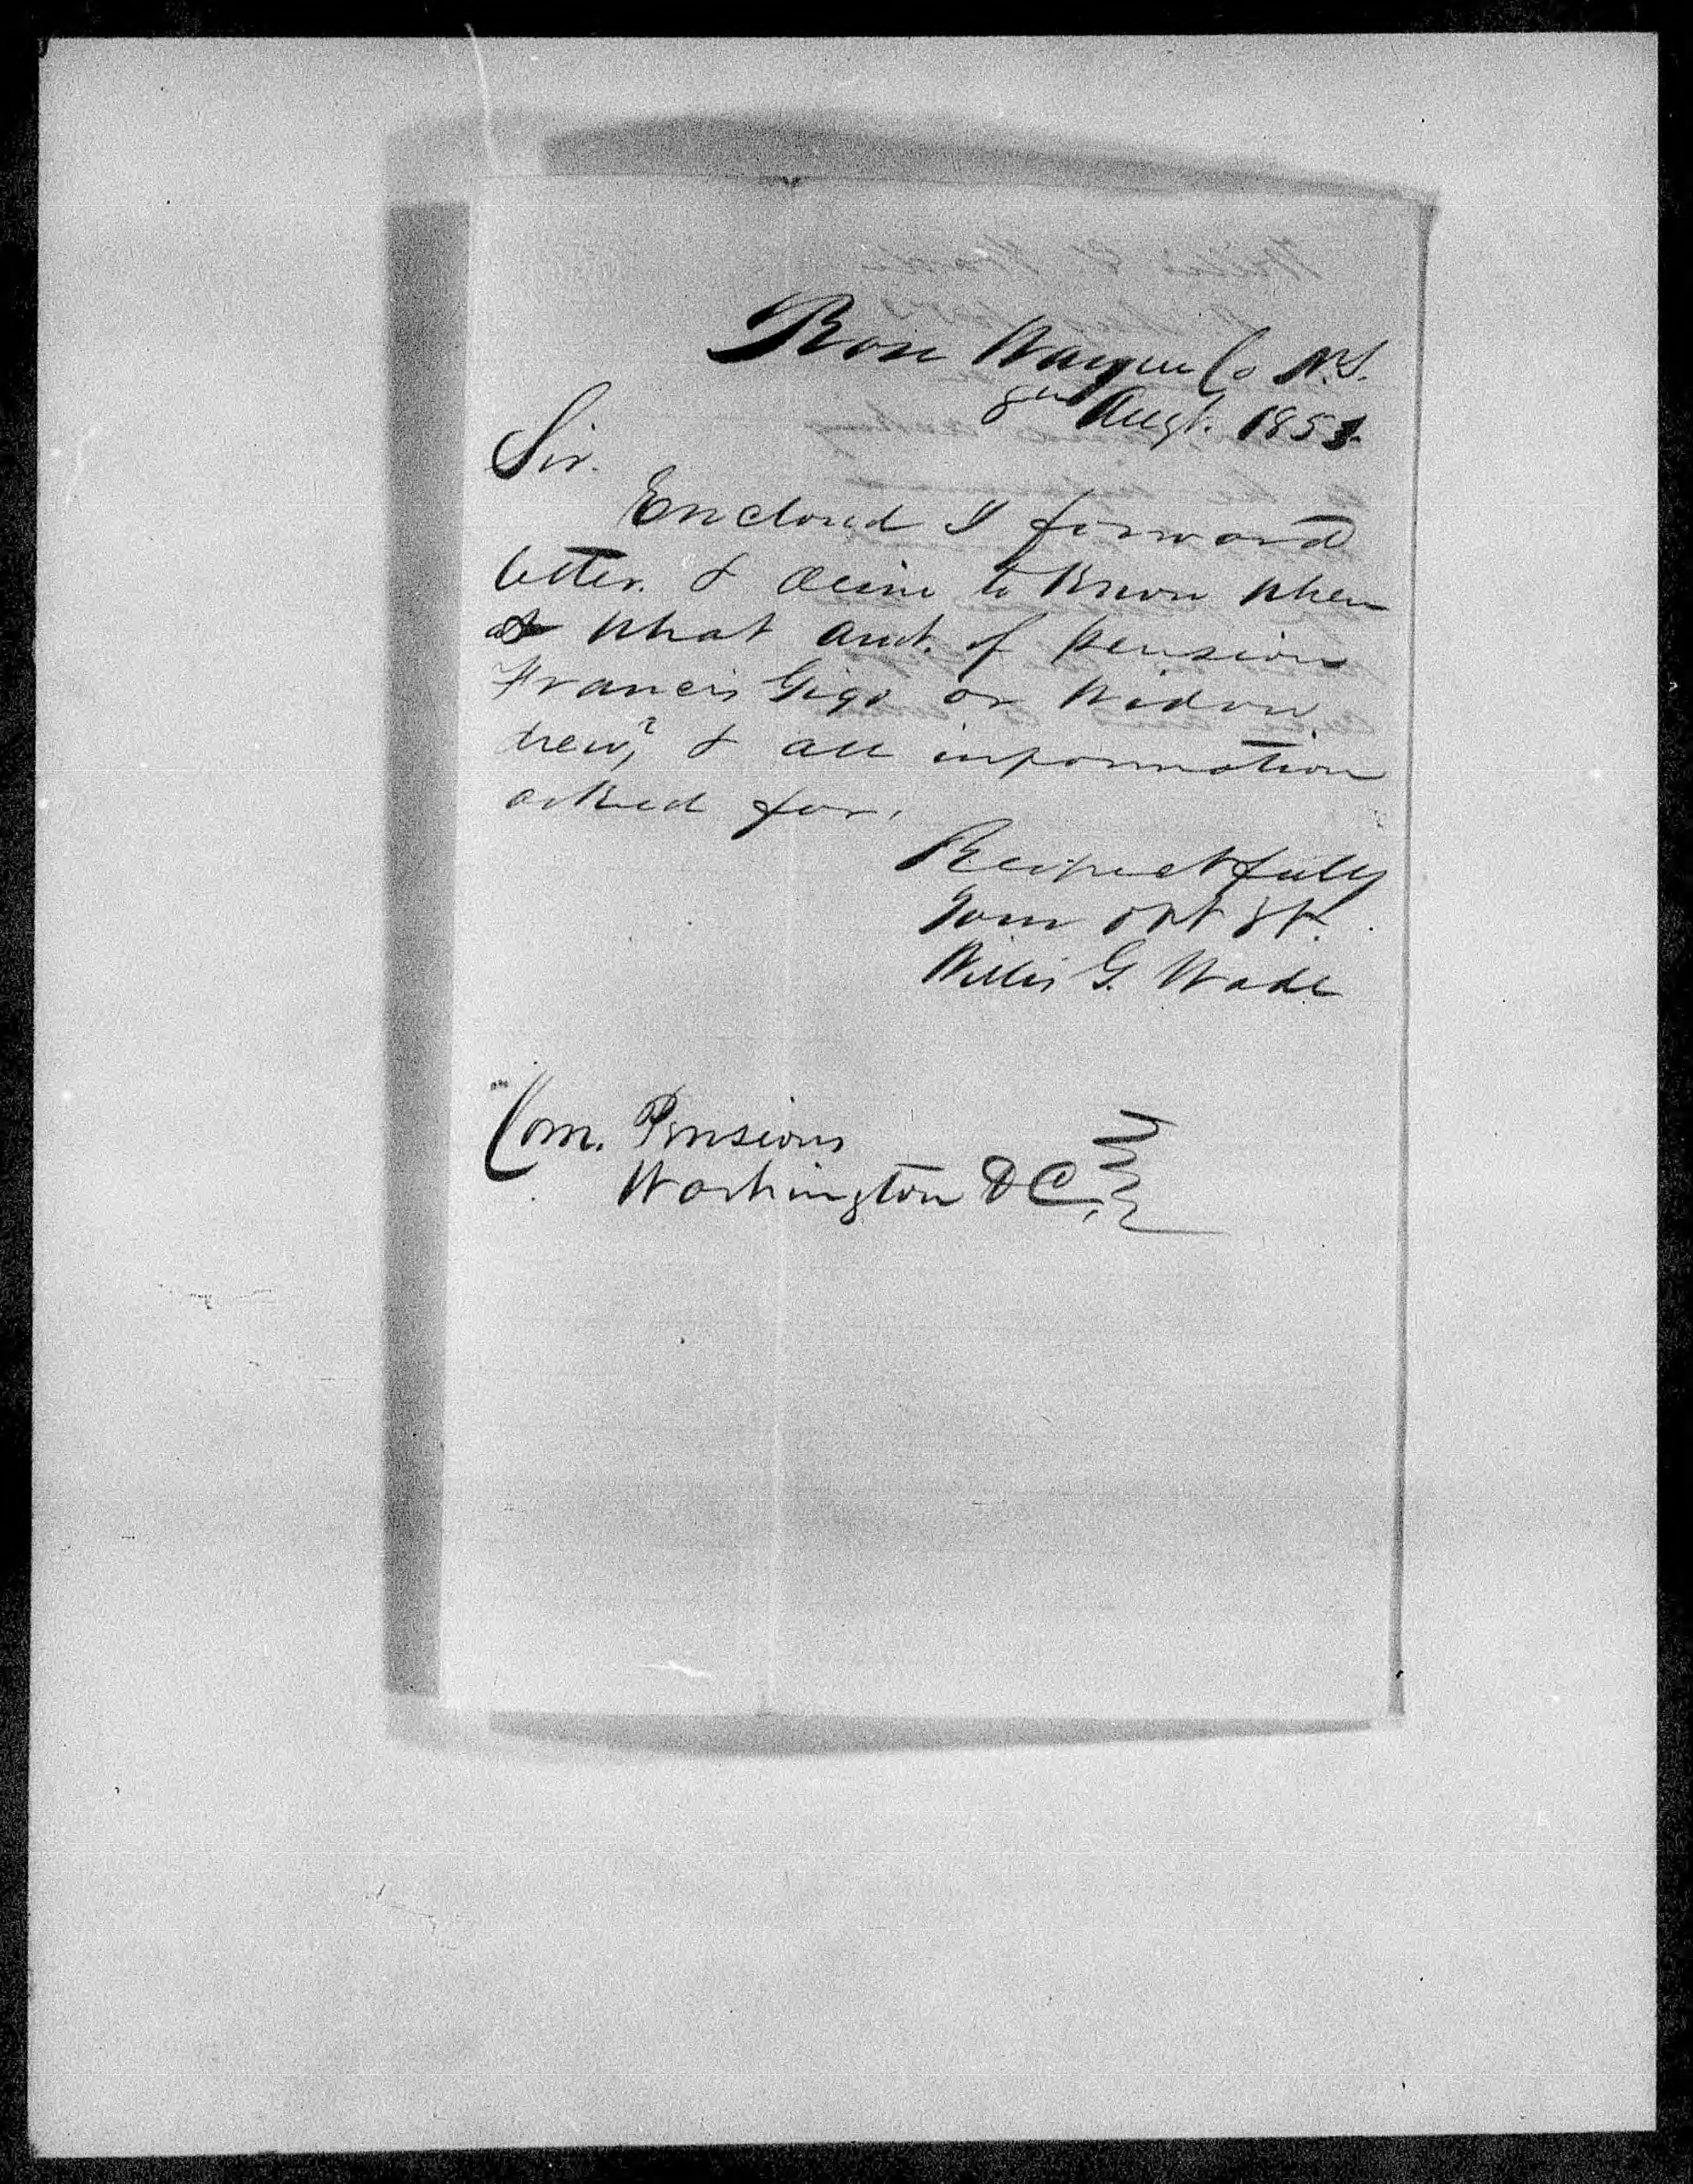[illegible]
8th Augt 1853

Sir,
Enclosed I forward letter and desire to know when and what amt of pensions Francis Gigo or widow drew, and all information asked for.
Respectfully,
Your obt svt
Willis G Wade

Comm Pensions
Washington DC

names: Francis Gigo, Willis G Wade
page: 85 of 98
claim: widow's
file: W. 21182, Francis Gigo, Continental (Canadian)